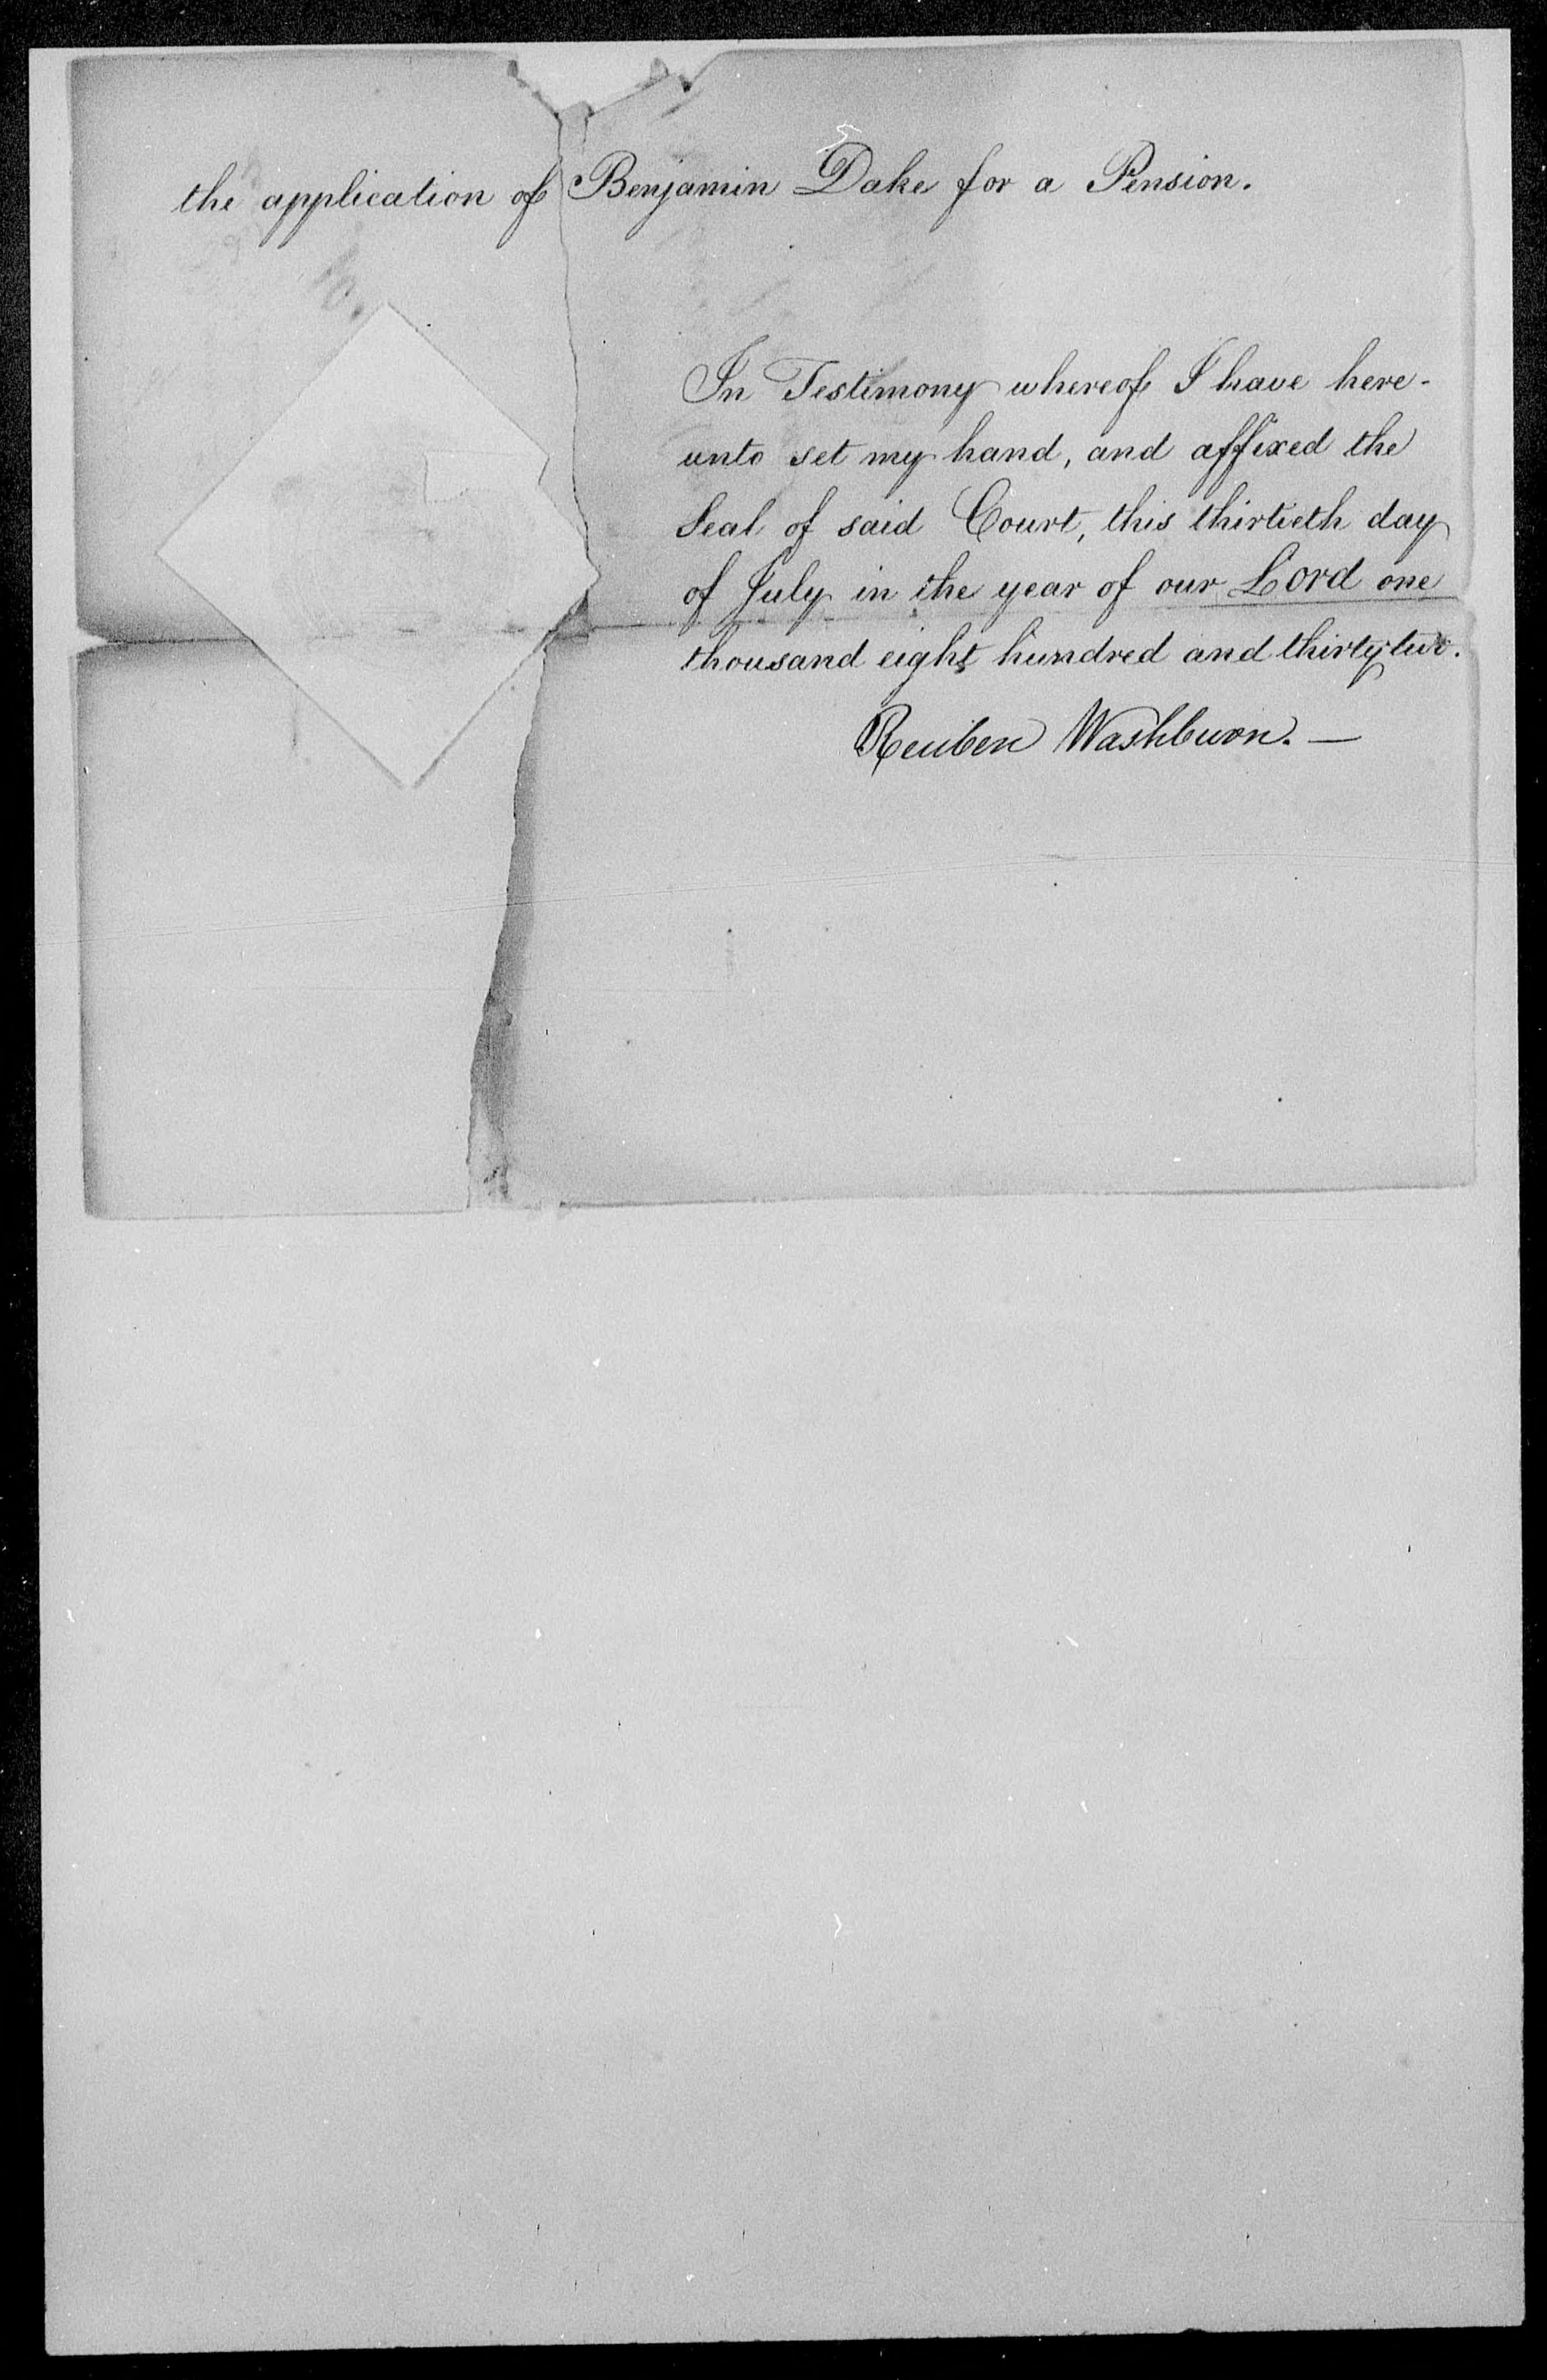the application of Benjamin Dake for a pension

In testimony whereof I have hereunto set my hand, and affixed the seal of said court this thirtieth day of July in the year of our Lord one thousand eight hundred and thirty two. 
Reuben Washburn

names: Benjamin Dake, Reuben Washburn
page: 36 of 42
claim: rejected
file: R. 2,625, Benjamin Dake, R.I.